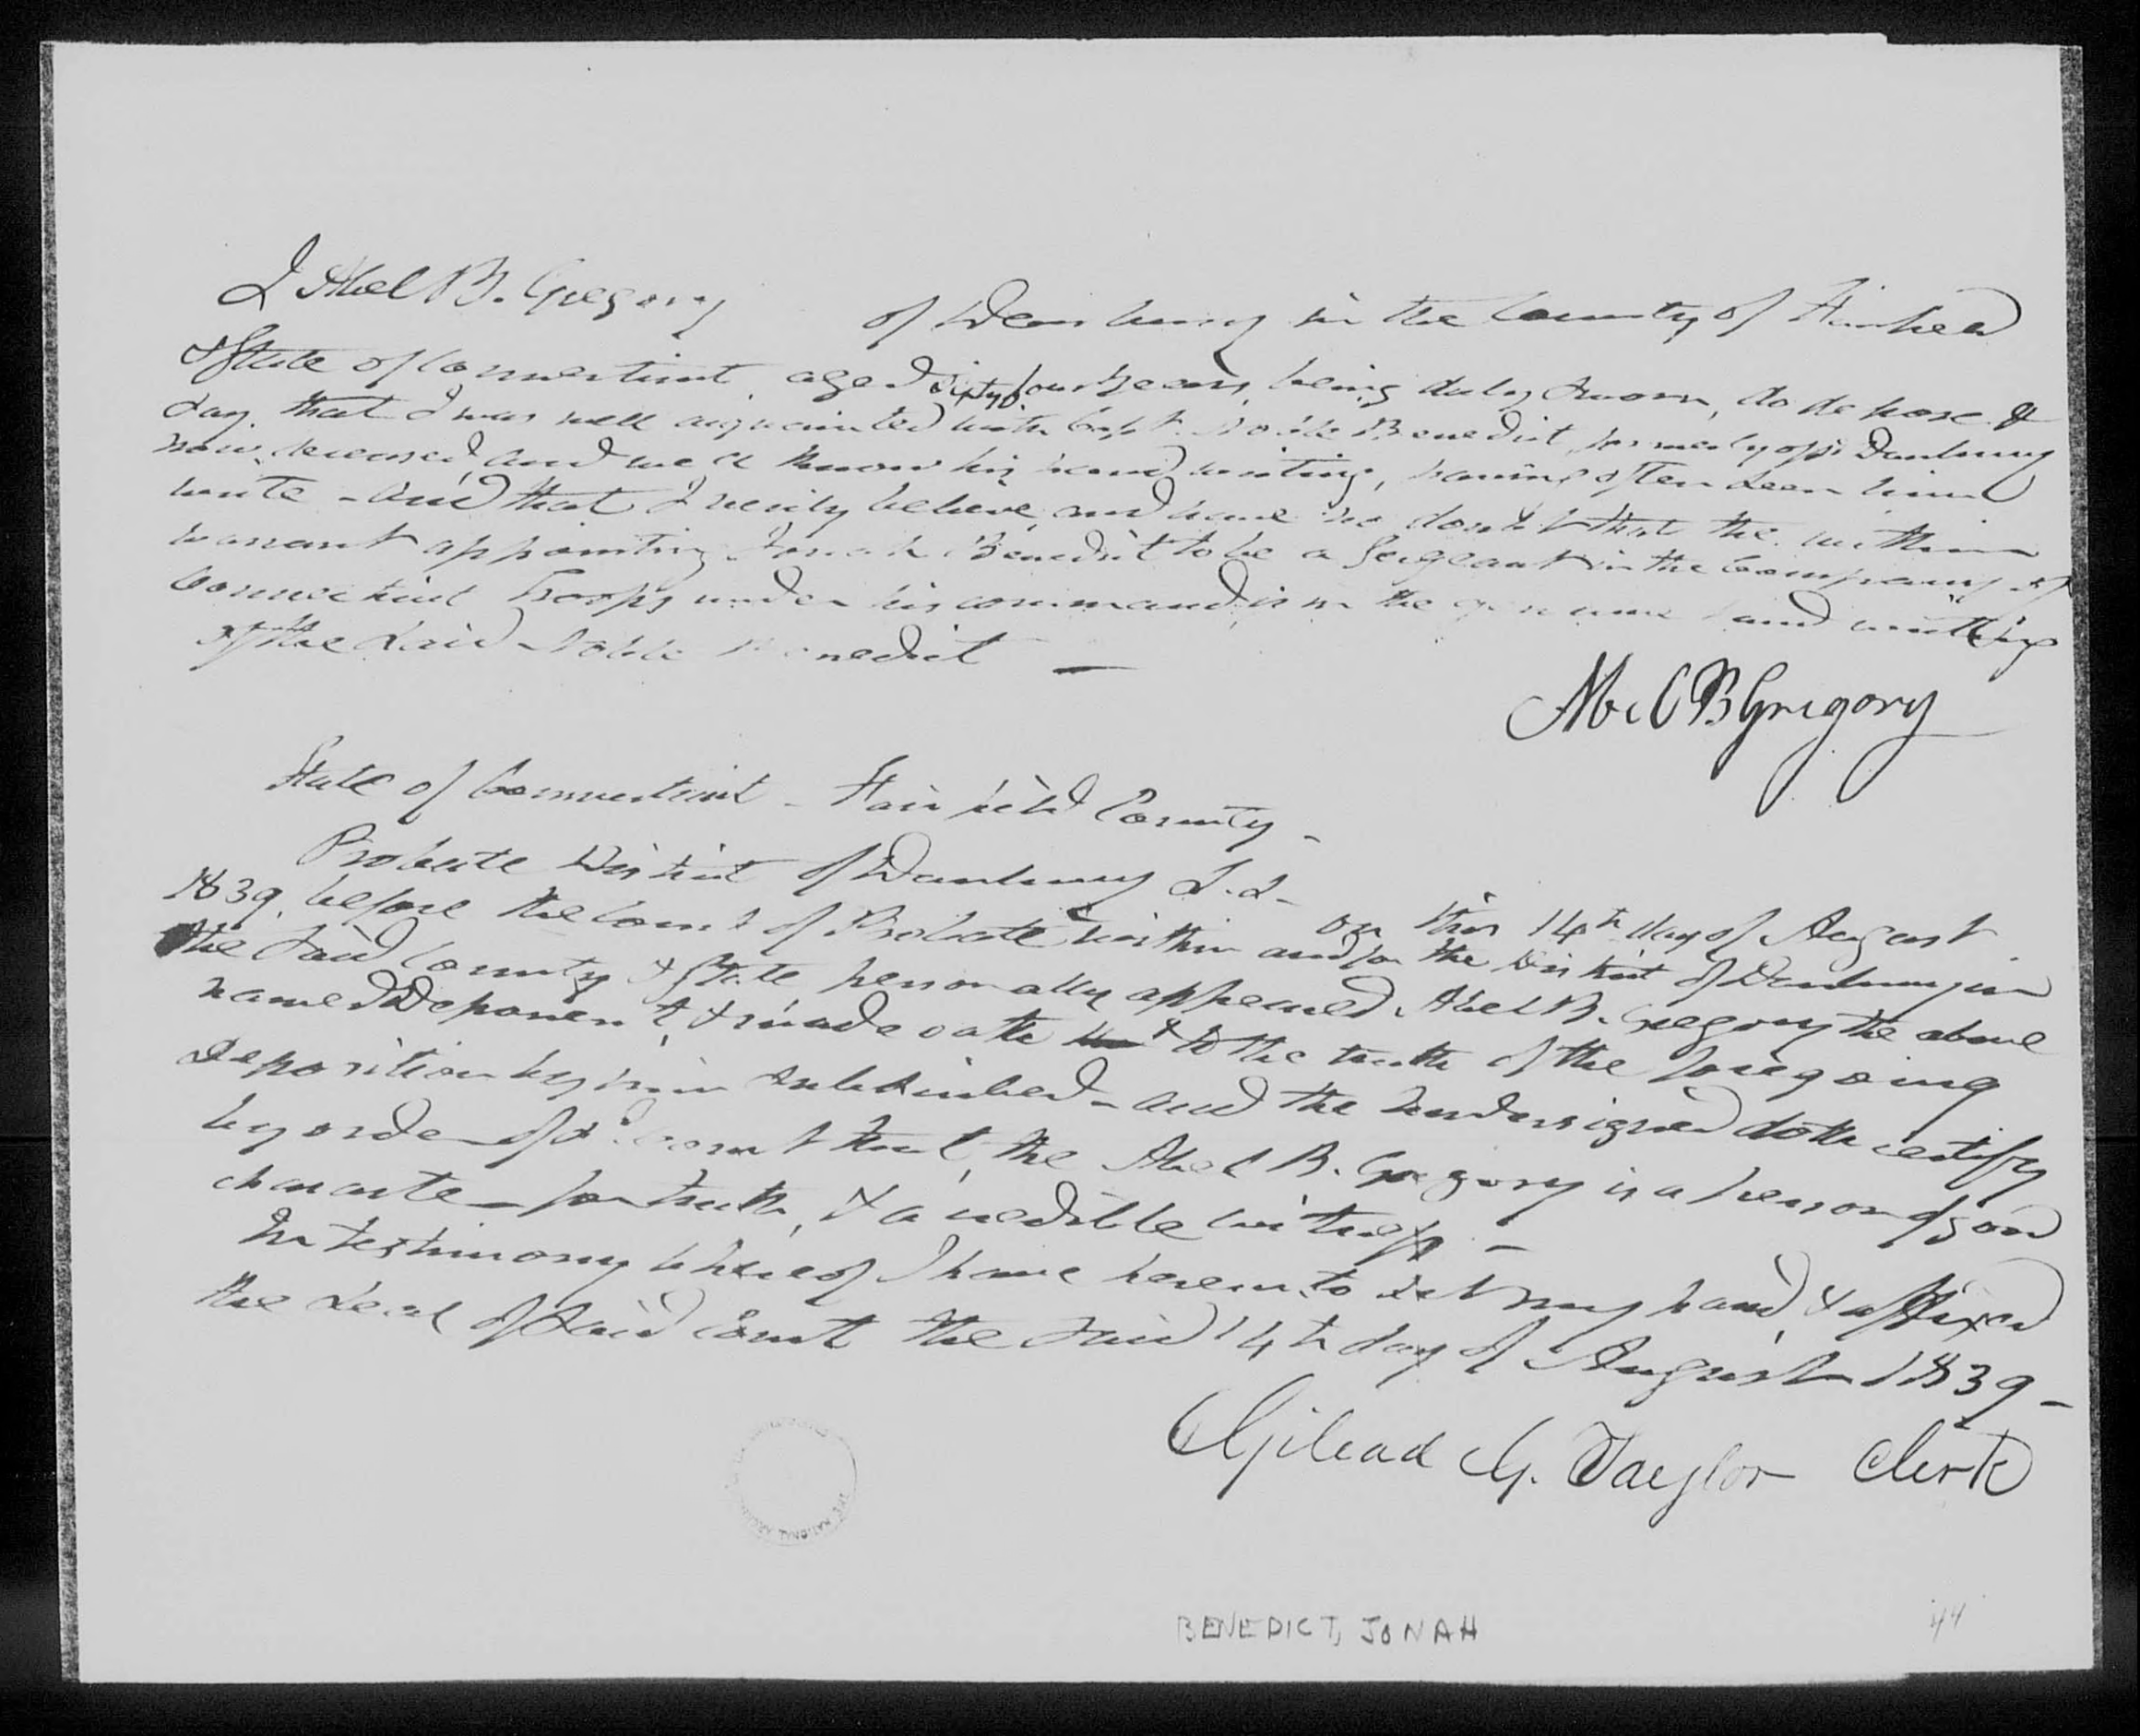I Abel B. Gregory of Danbury in the County of Fairfield 
& State of Connecticut, aged sixty four years, being duly sworn, do depose &
say that I was well acquainted with Capt Noble Benedict formerly of sd Danbury
now deceased and well know his hand writing, having often seen him
write - and that I verily believe a have no doubt that the within
Warrant appointing Jonaah Benedict to be a Sergeant in the Company of
Connecticut troops under his command is thr genuine hand writing
of the said Noble Benedict
                                                                        Abel B Gregory
State of Connecticut  Fairfield County
Probate District of Danbury S.s
                                                 On this 14th day of August
1839 before the Court of Probate within and for the District of Danbury in
the said County & State personally appeared Abel B. Gregory the above
named Deponent & made oath to the truth of the foregoing
Deposition by him subscribed and the undersigned doth certify
by order of the Court that the Abel B. Gregory is a person of good
character for truth & a credible witness-
    In testimony whereof I have hereto set my hand & affixed
the seal of said Court the said 14th day of August 1839
                                     Gilead G. Taylor Clerk

BENEDICT, JONAH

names: Jonah Benedict, Abel B Gregory, Abel B Gregory, Abel B Gregory, Noble Benedict, Jonah Benedict, Noble Benedict, Abel B Gregory, Gilead G Taylor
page: 16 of 56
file: [ILLEGIBLE], Jonah Benedict, Conn.